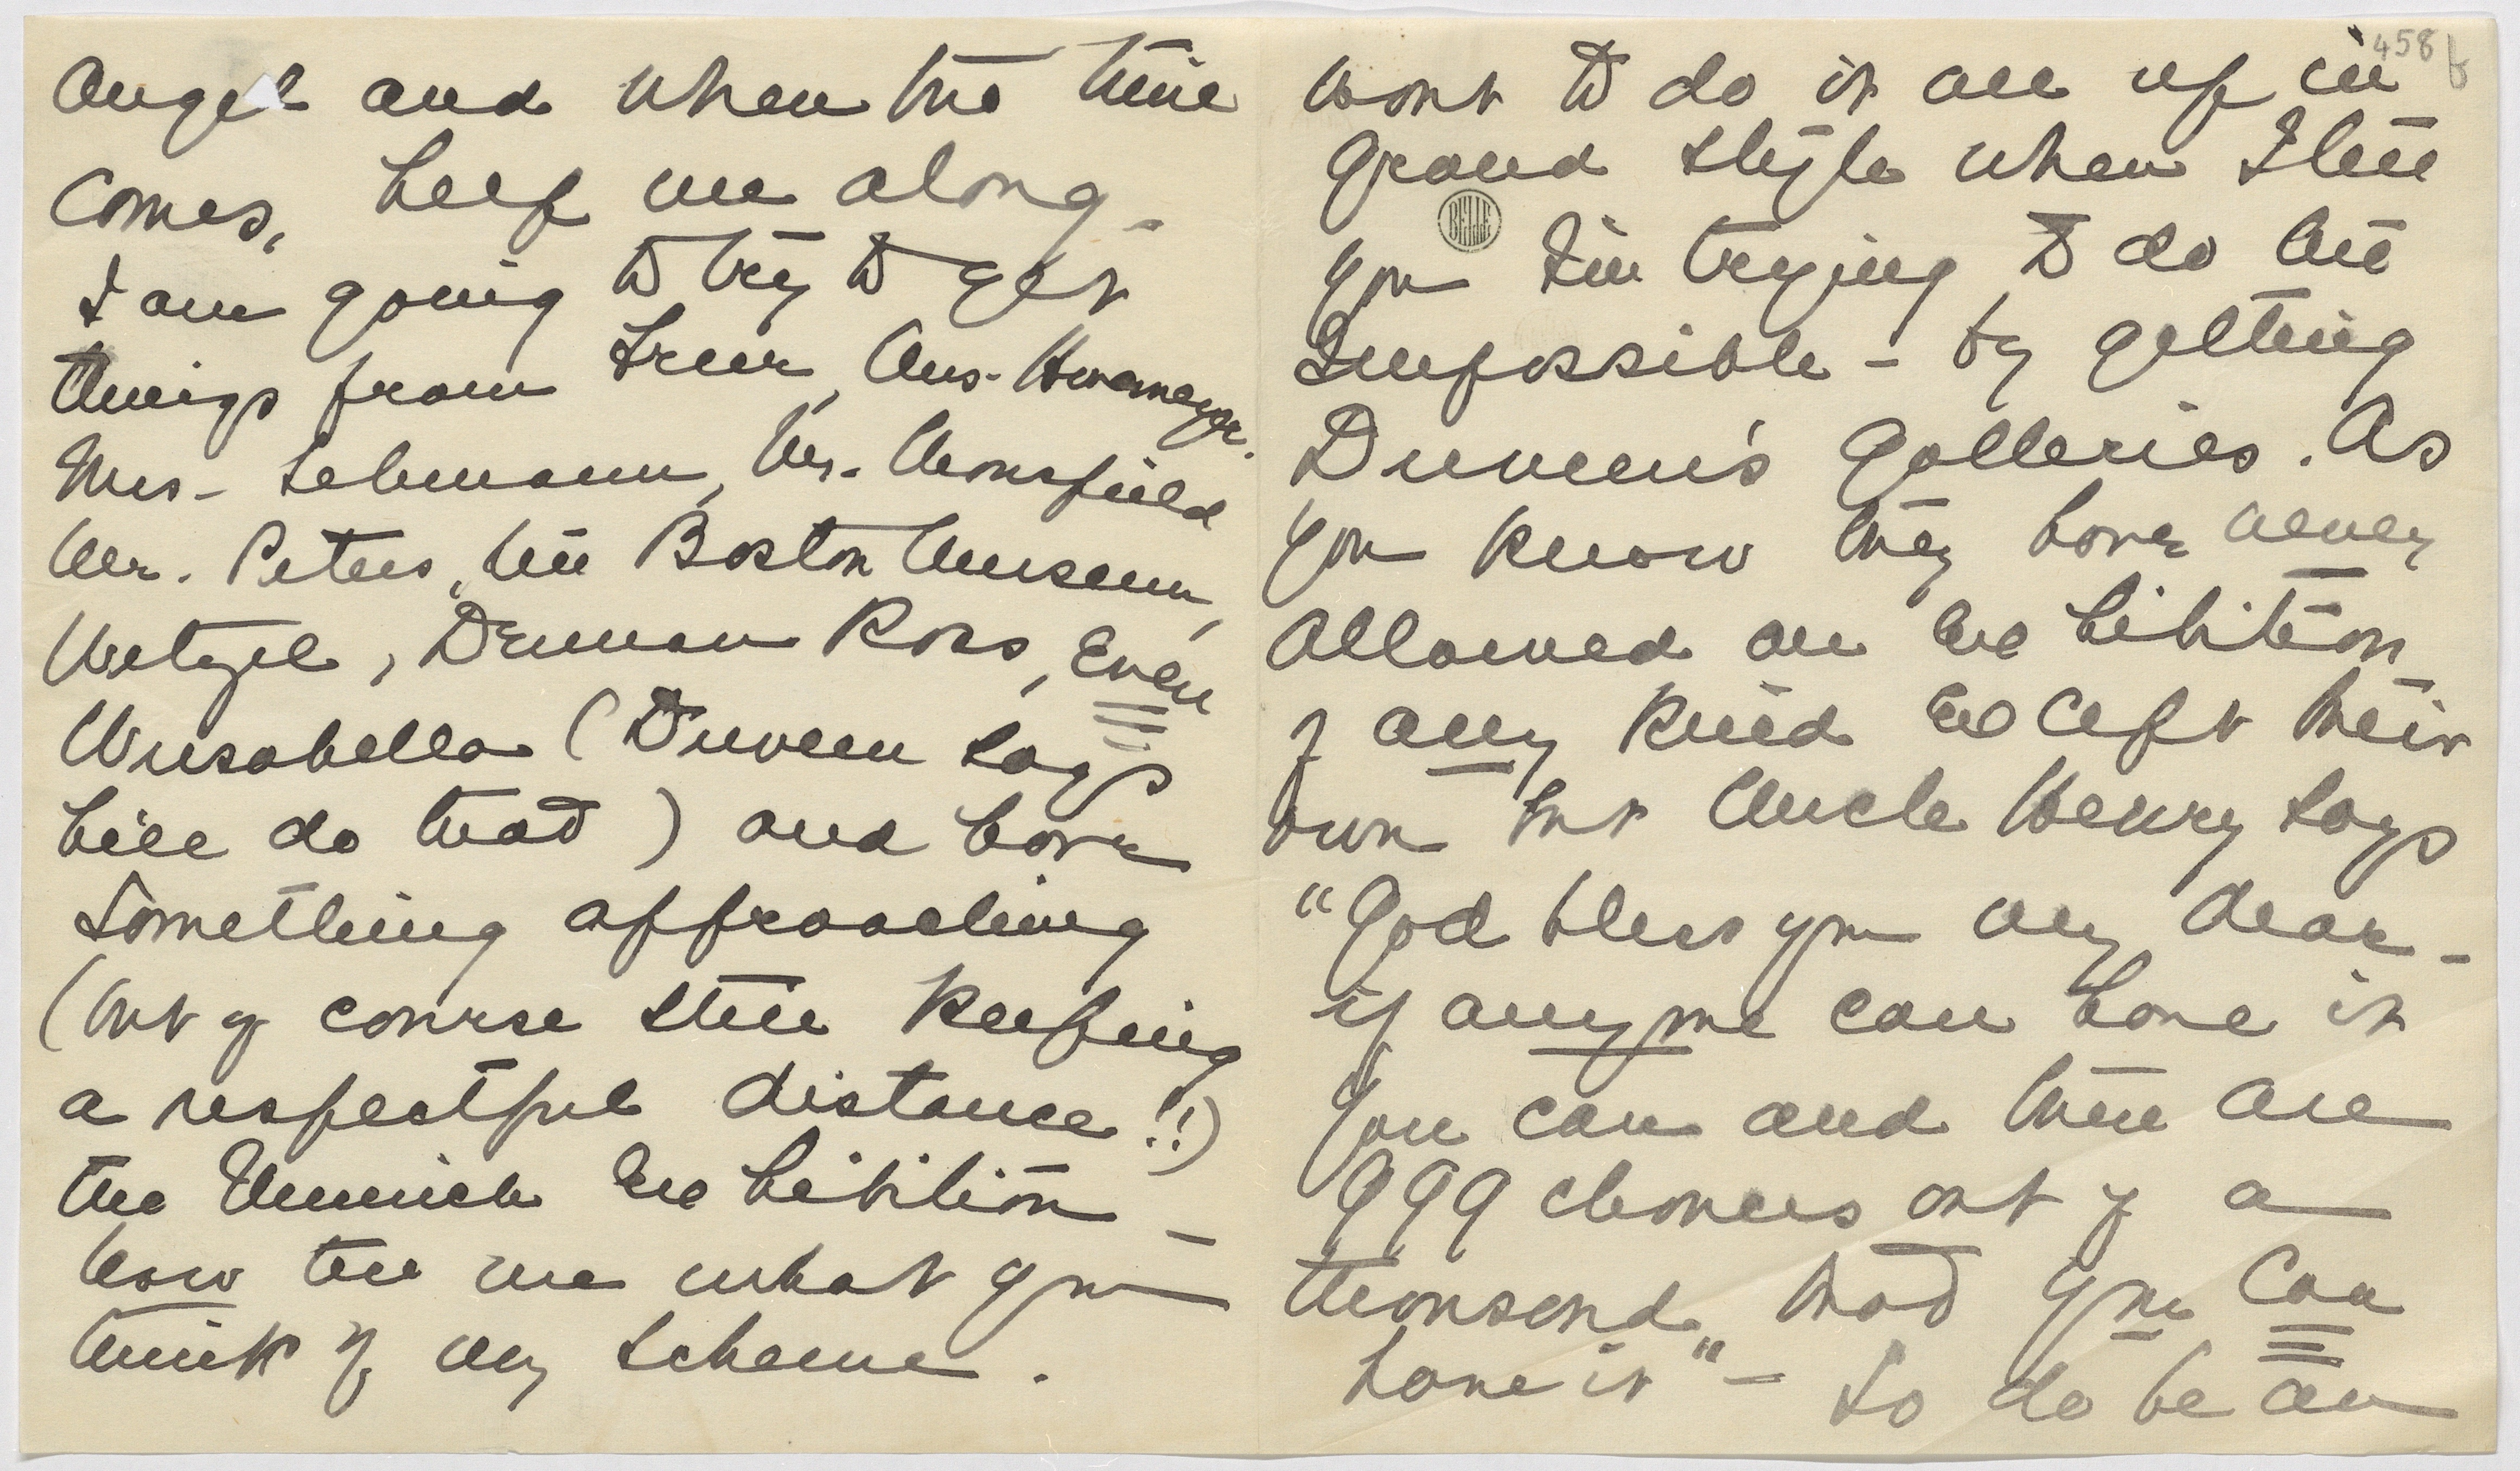want to do it all up in grand style when I tell you I’m trying to do the impossible – by getting Duveen’s galleries. As you know they have never allowed an exhibition of any kind except their own but Uncle Henry says “god bless you my dear – if anyone can have it you can and there are 999 chances out of a thousand that you [triple underlined: can] have it” – so do be an
angel and when the time comes, help me along – I am going to try to get things from Freer, Mrs. Havemeyer, Mrs, Lebmann, Mr. Mansfield Mr. Peters, the Boston Museum, Wetzel, Denman Ross, [triple underlined: even] Wusabella (Duveen says he’ll do that) and have something approaching (but of course still keeping a respectful distance!!) the Munich exhibition – now tell me what you think of my scheme.